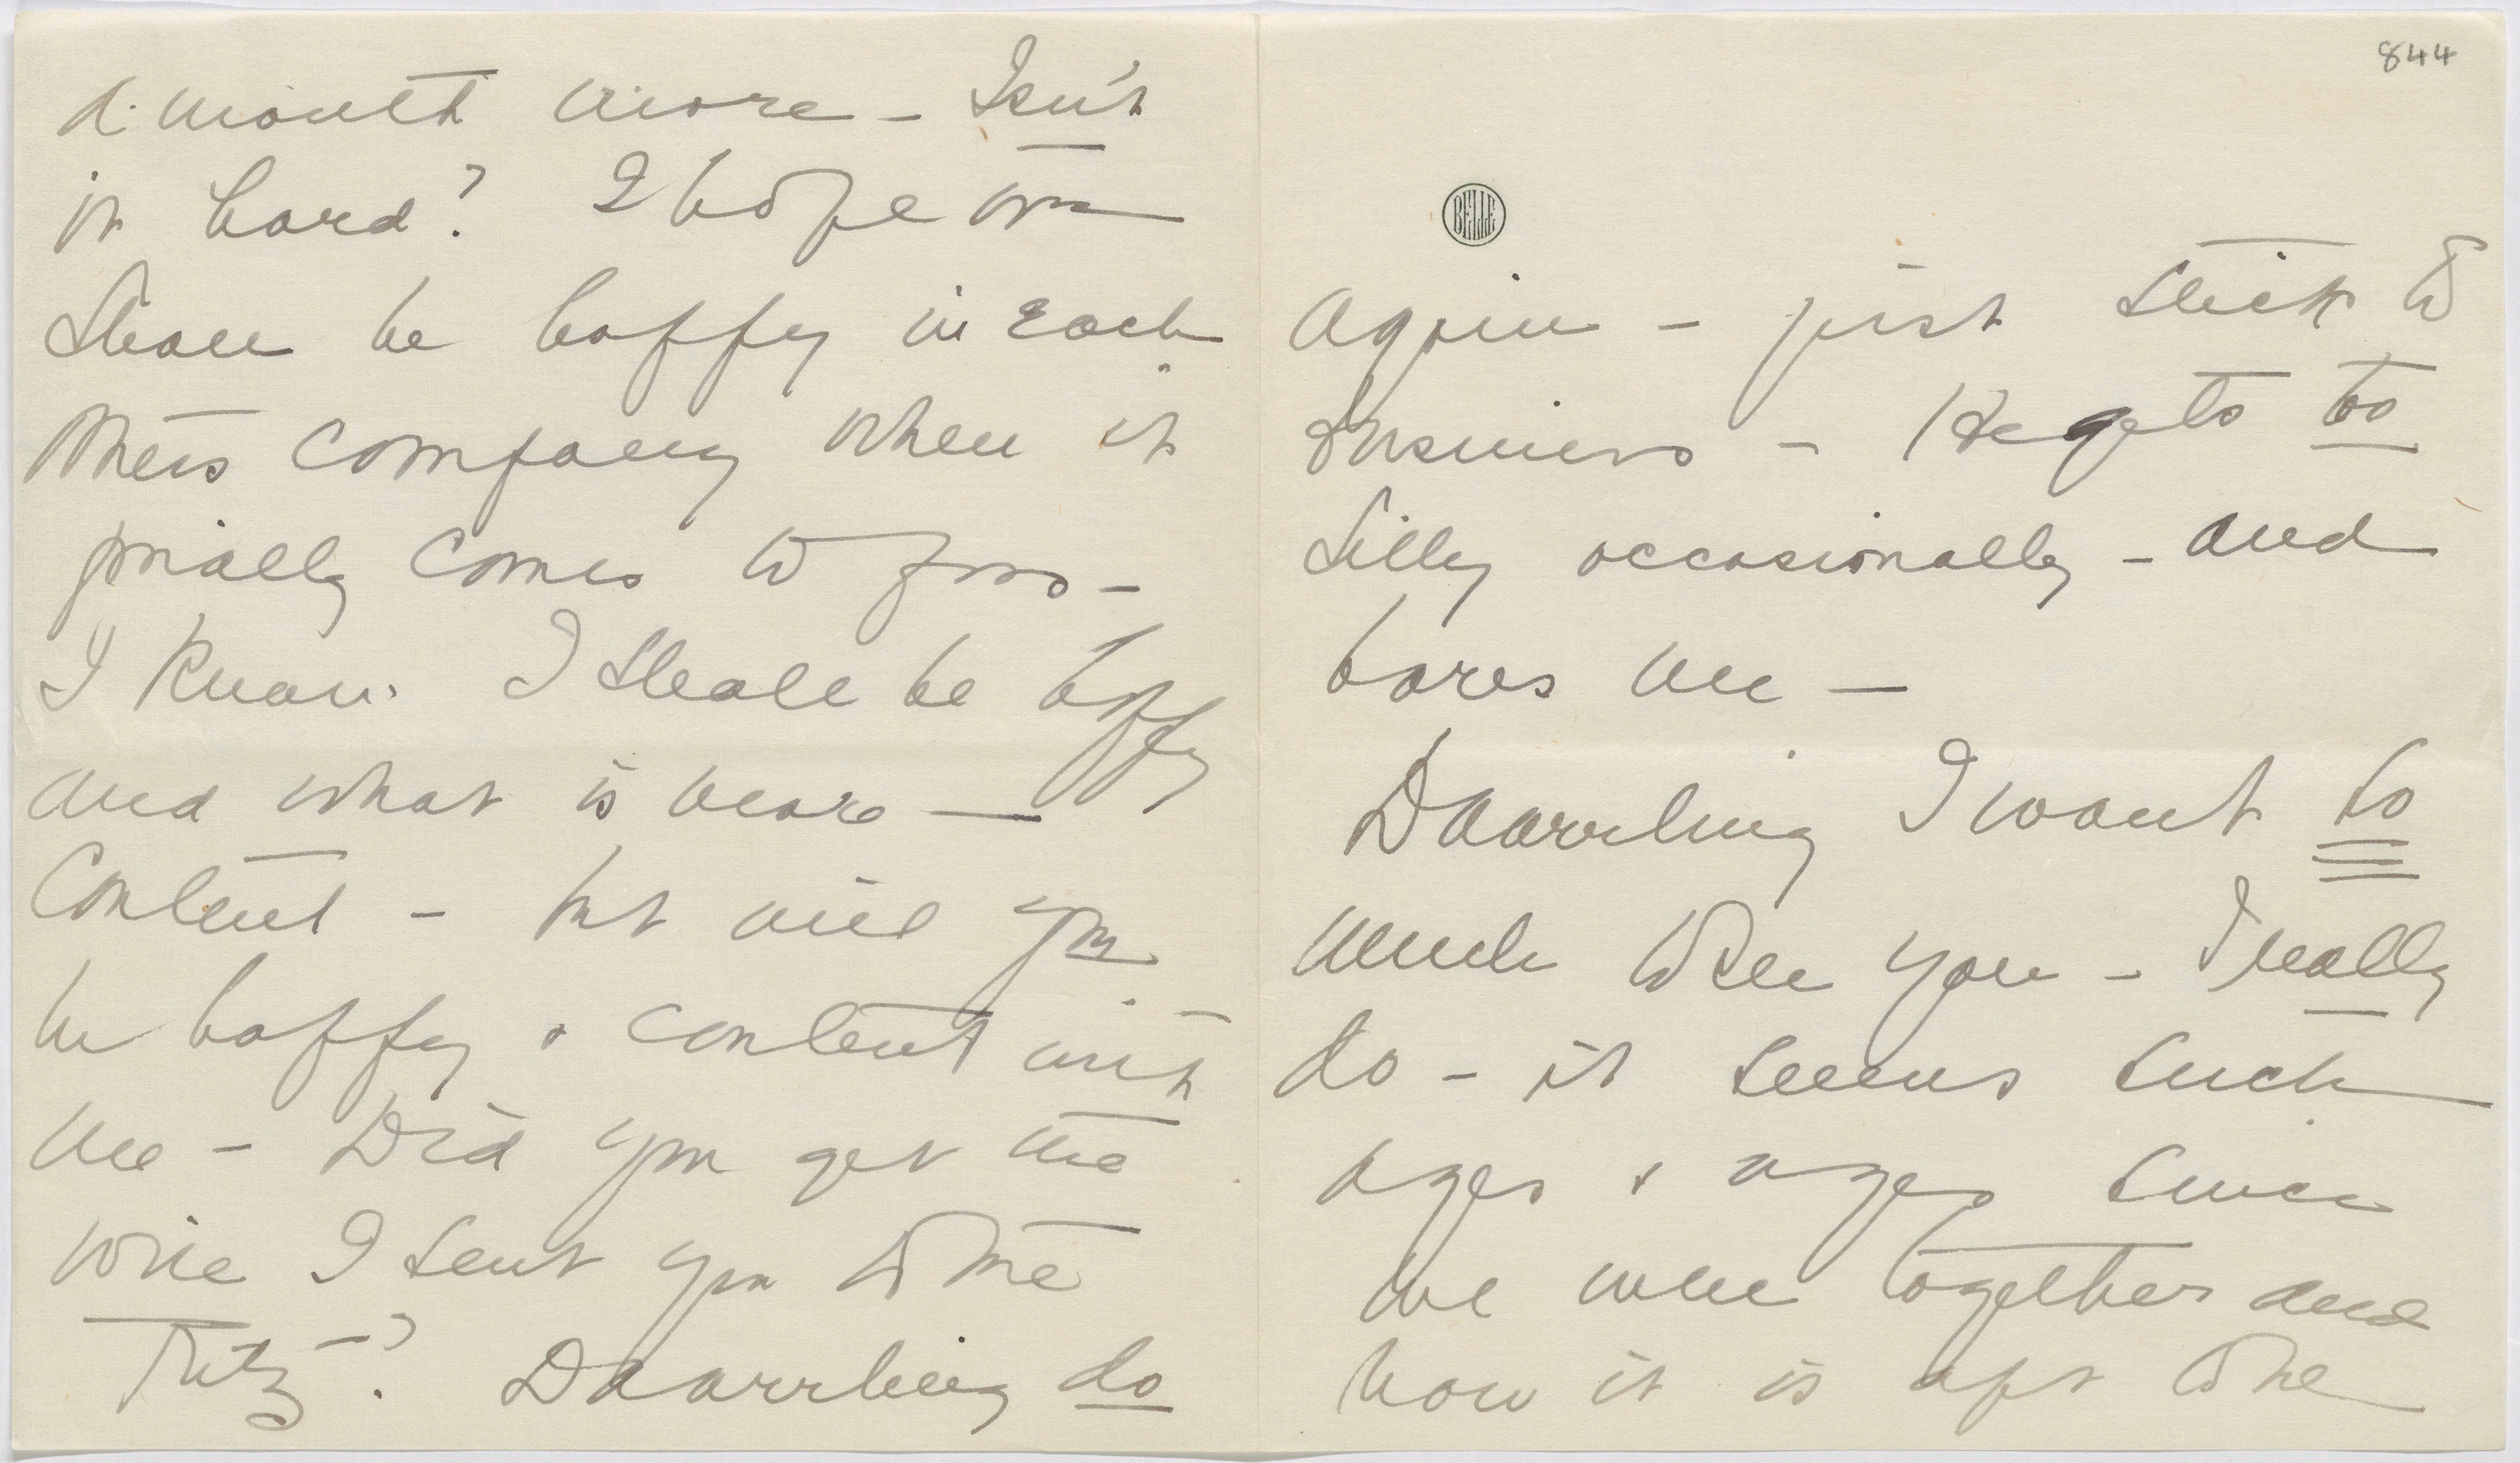again – just stick to business – He gets too silly occasionally – and bores me –
Daarrling I want [triple underlined: so] much to see you – I really do – it seems such ages & ages since we were together and now it is apt to be
a month more – Isn’t it hard? I hope we shall be happy in each others [sic] company when it finally comes to pass – I know I shall be happy and what is more – content – but will you be happy & content with me – Did you get the wine I sent you to the Ritz? Daarrling do